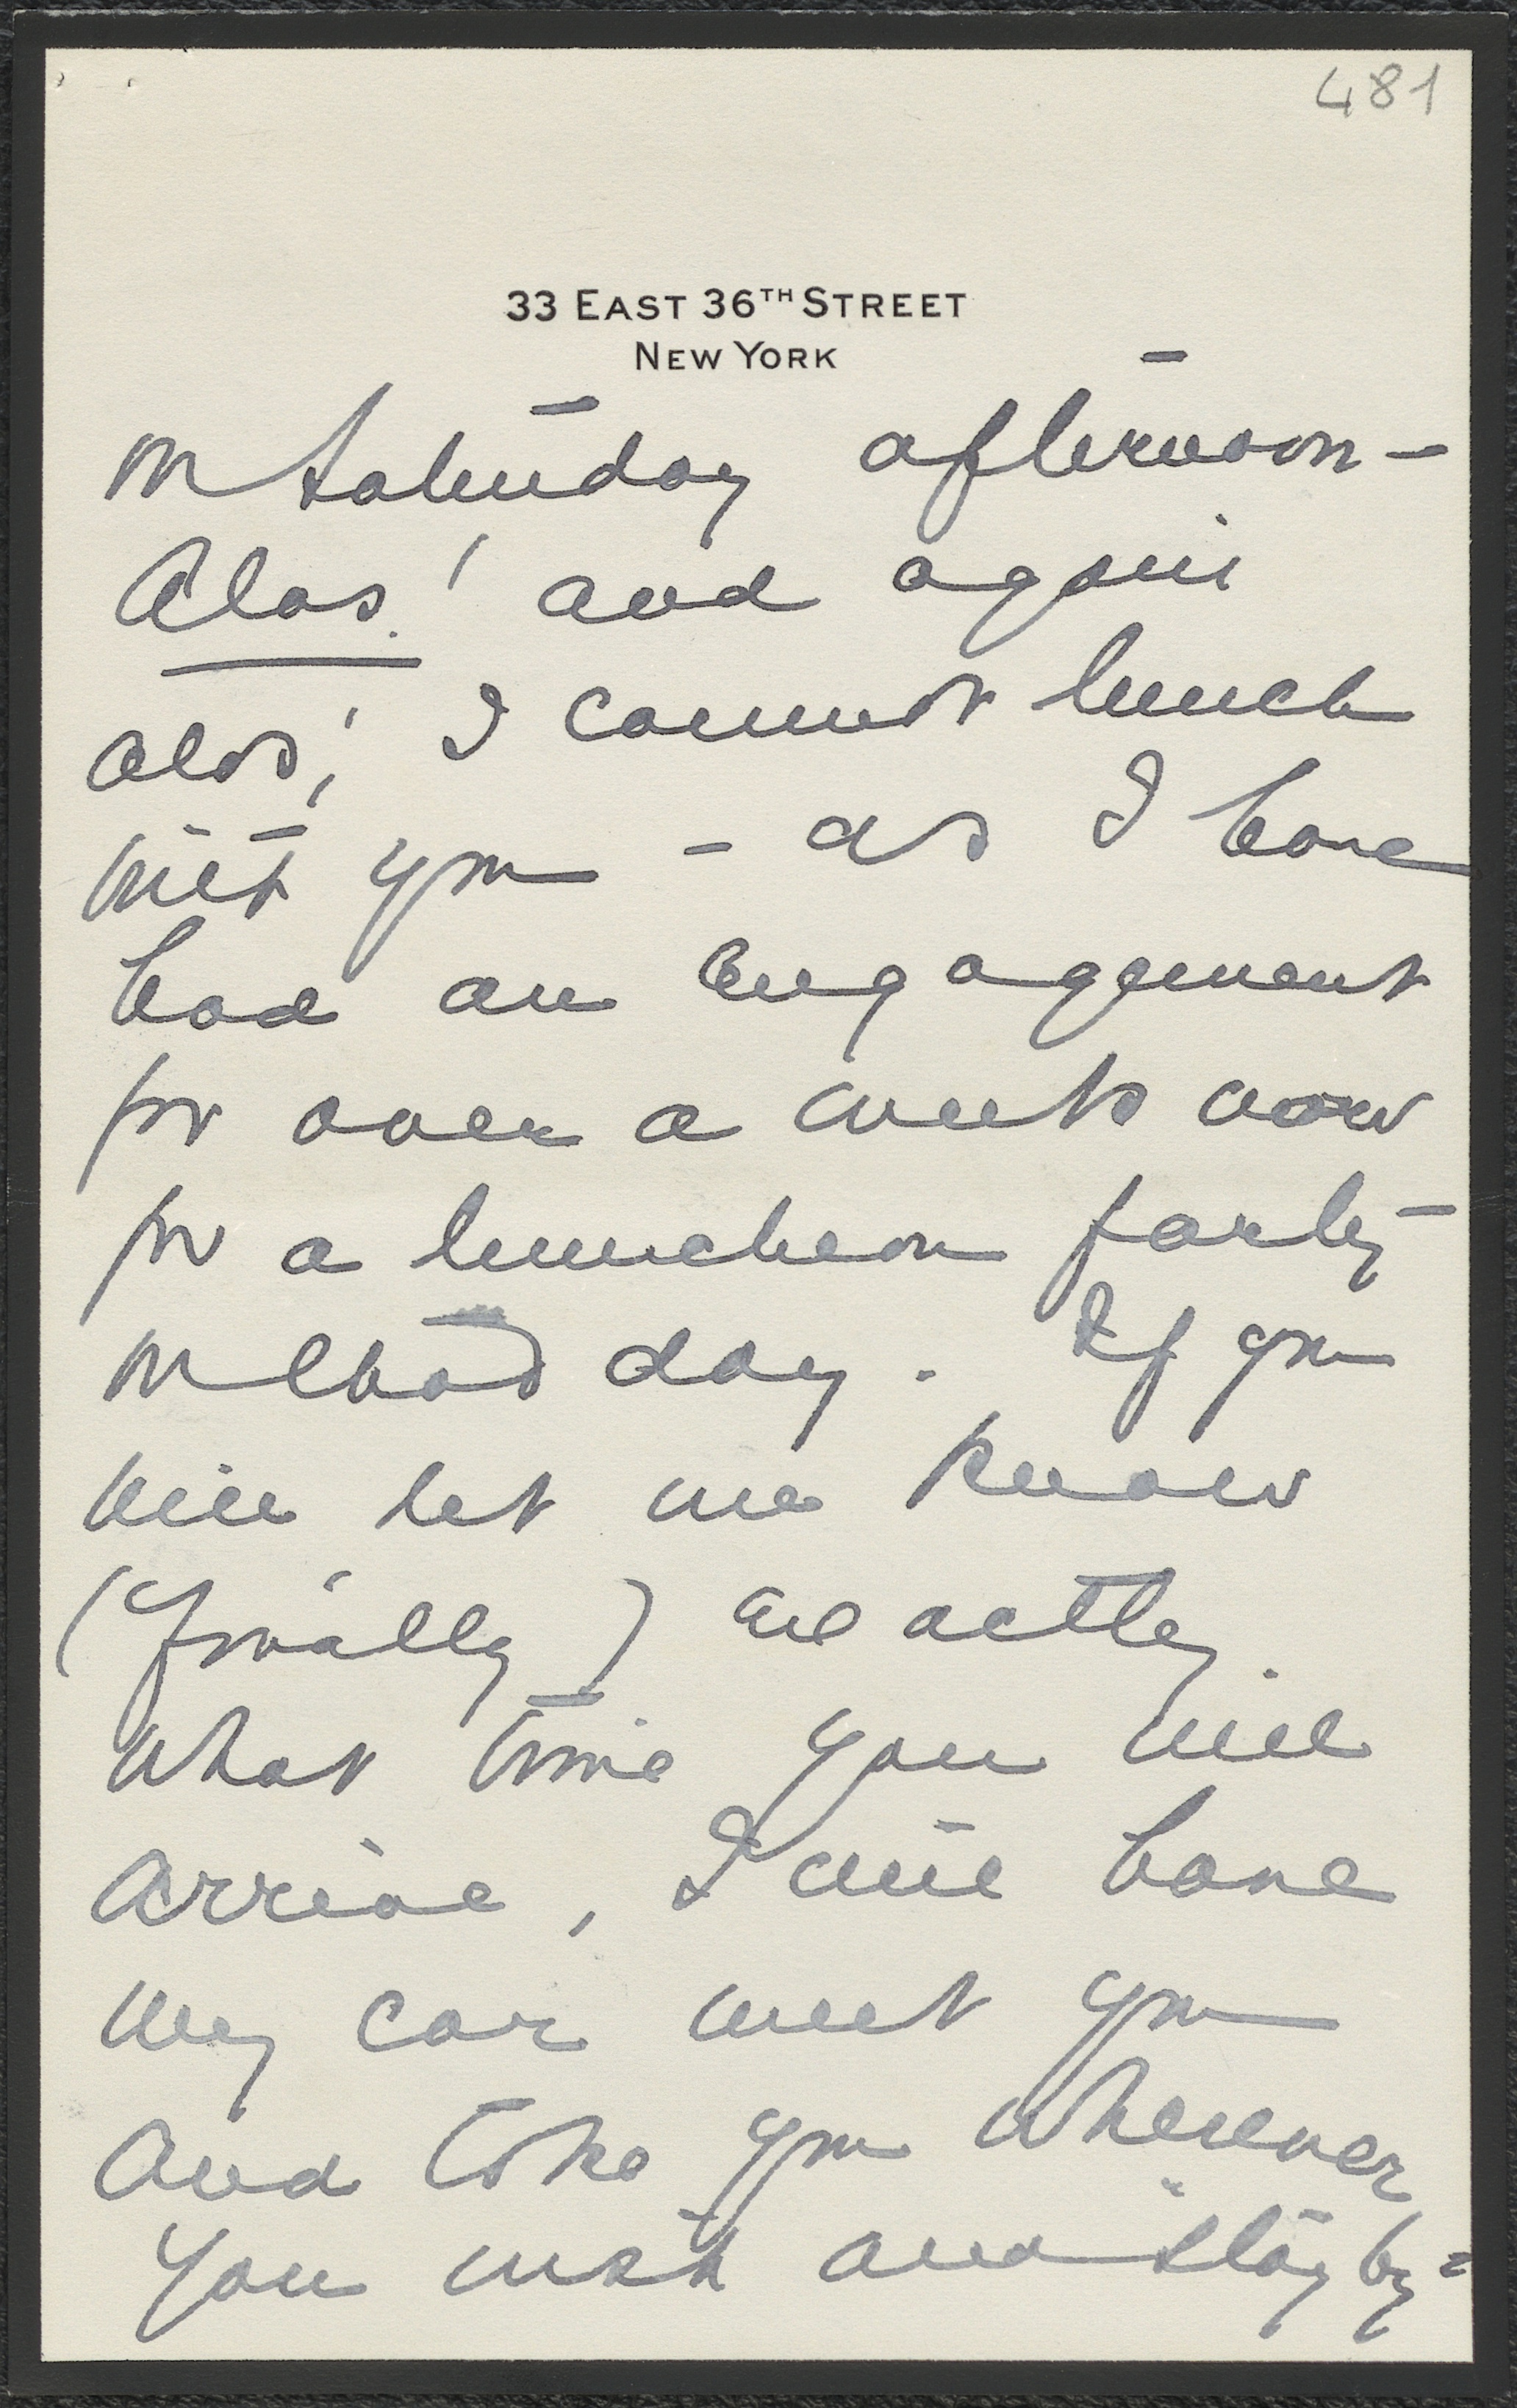on Saturday afternoon – Alas! and again alas! I cannot lunch with you – as I have had an engagement for over a week now for a luncheon party on that day. If you will let me know (finally) exactly what time you will arrive, I will have my car meet you and take you wherever you wish and “stay by”